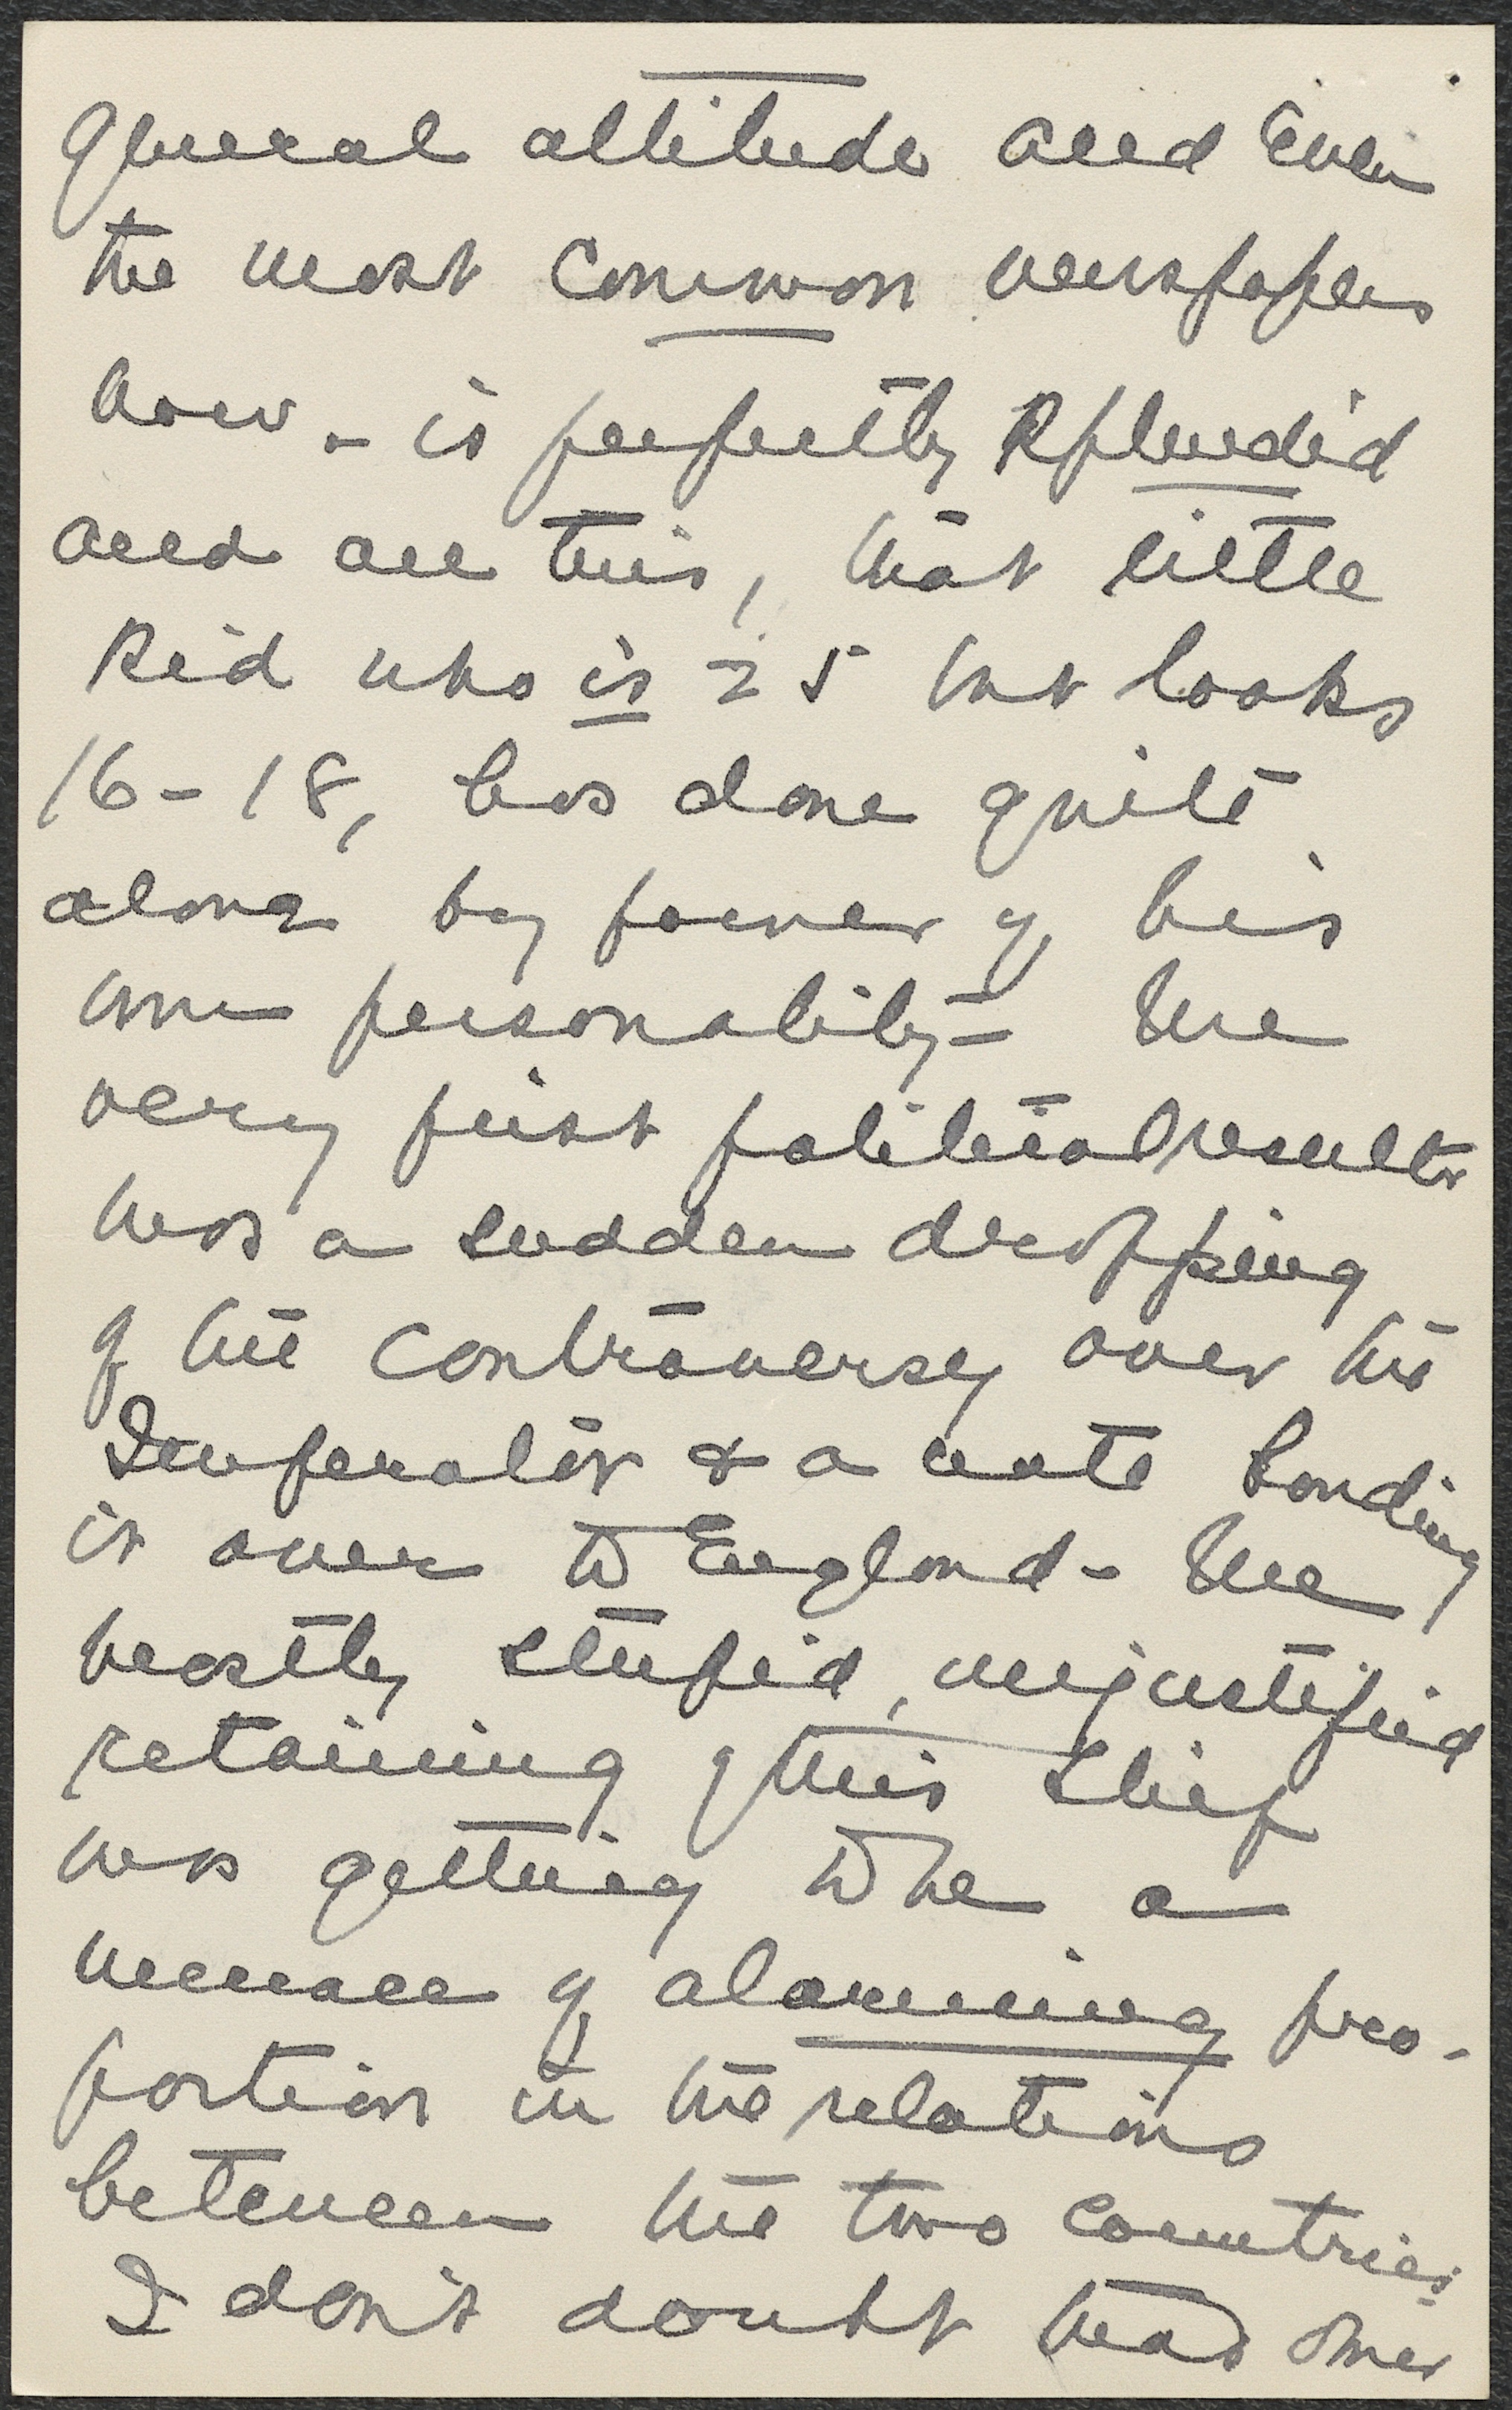general attitude and even the most common newspaper now, is perfectly splendid and all this, that little Reid who is 25 but looks 16–18, has done quite alone by power of his own personality – The very first political result was a sudden dropping of the controversy over his Imperative & a vote handing it over to England – The beastly stupid, unjustified retaining of this ship was getting to be a menace of alarming proportion in the relations between the two countries. I don't doubt that other